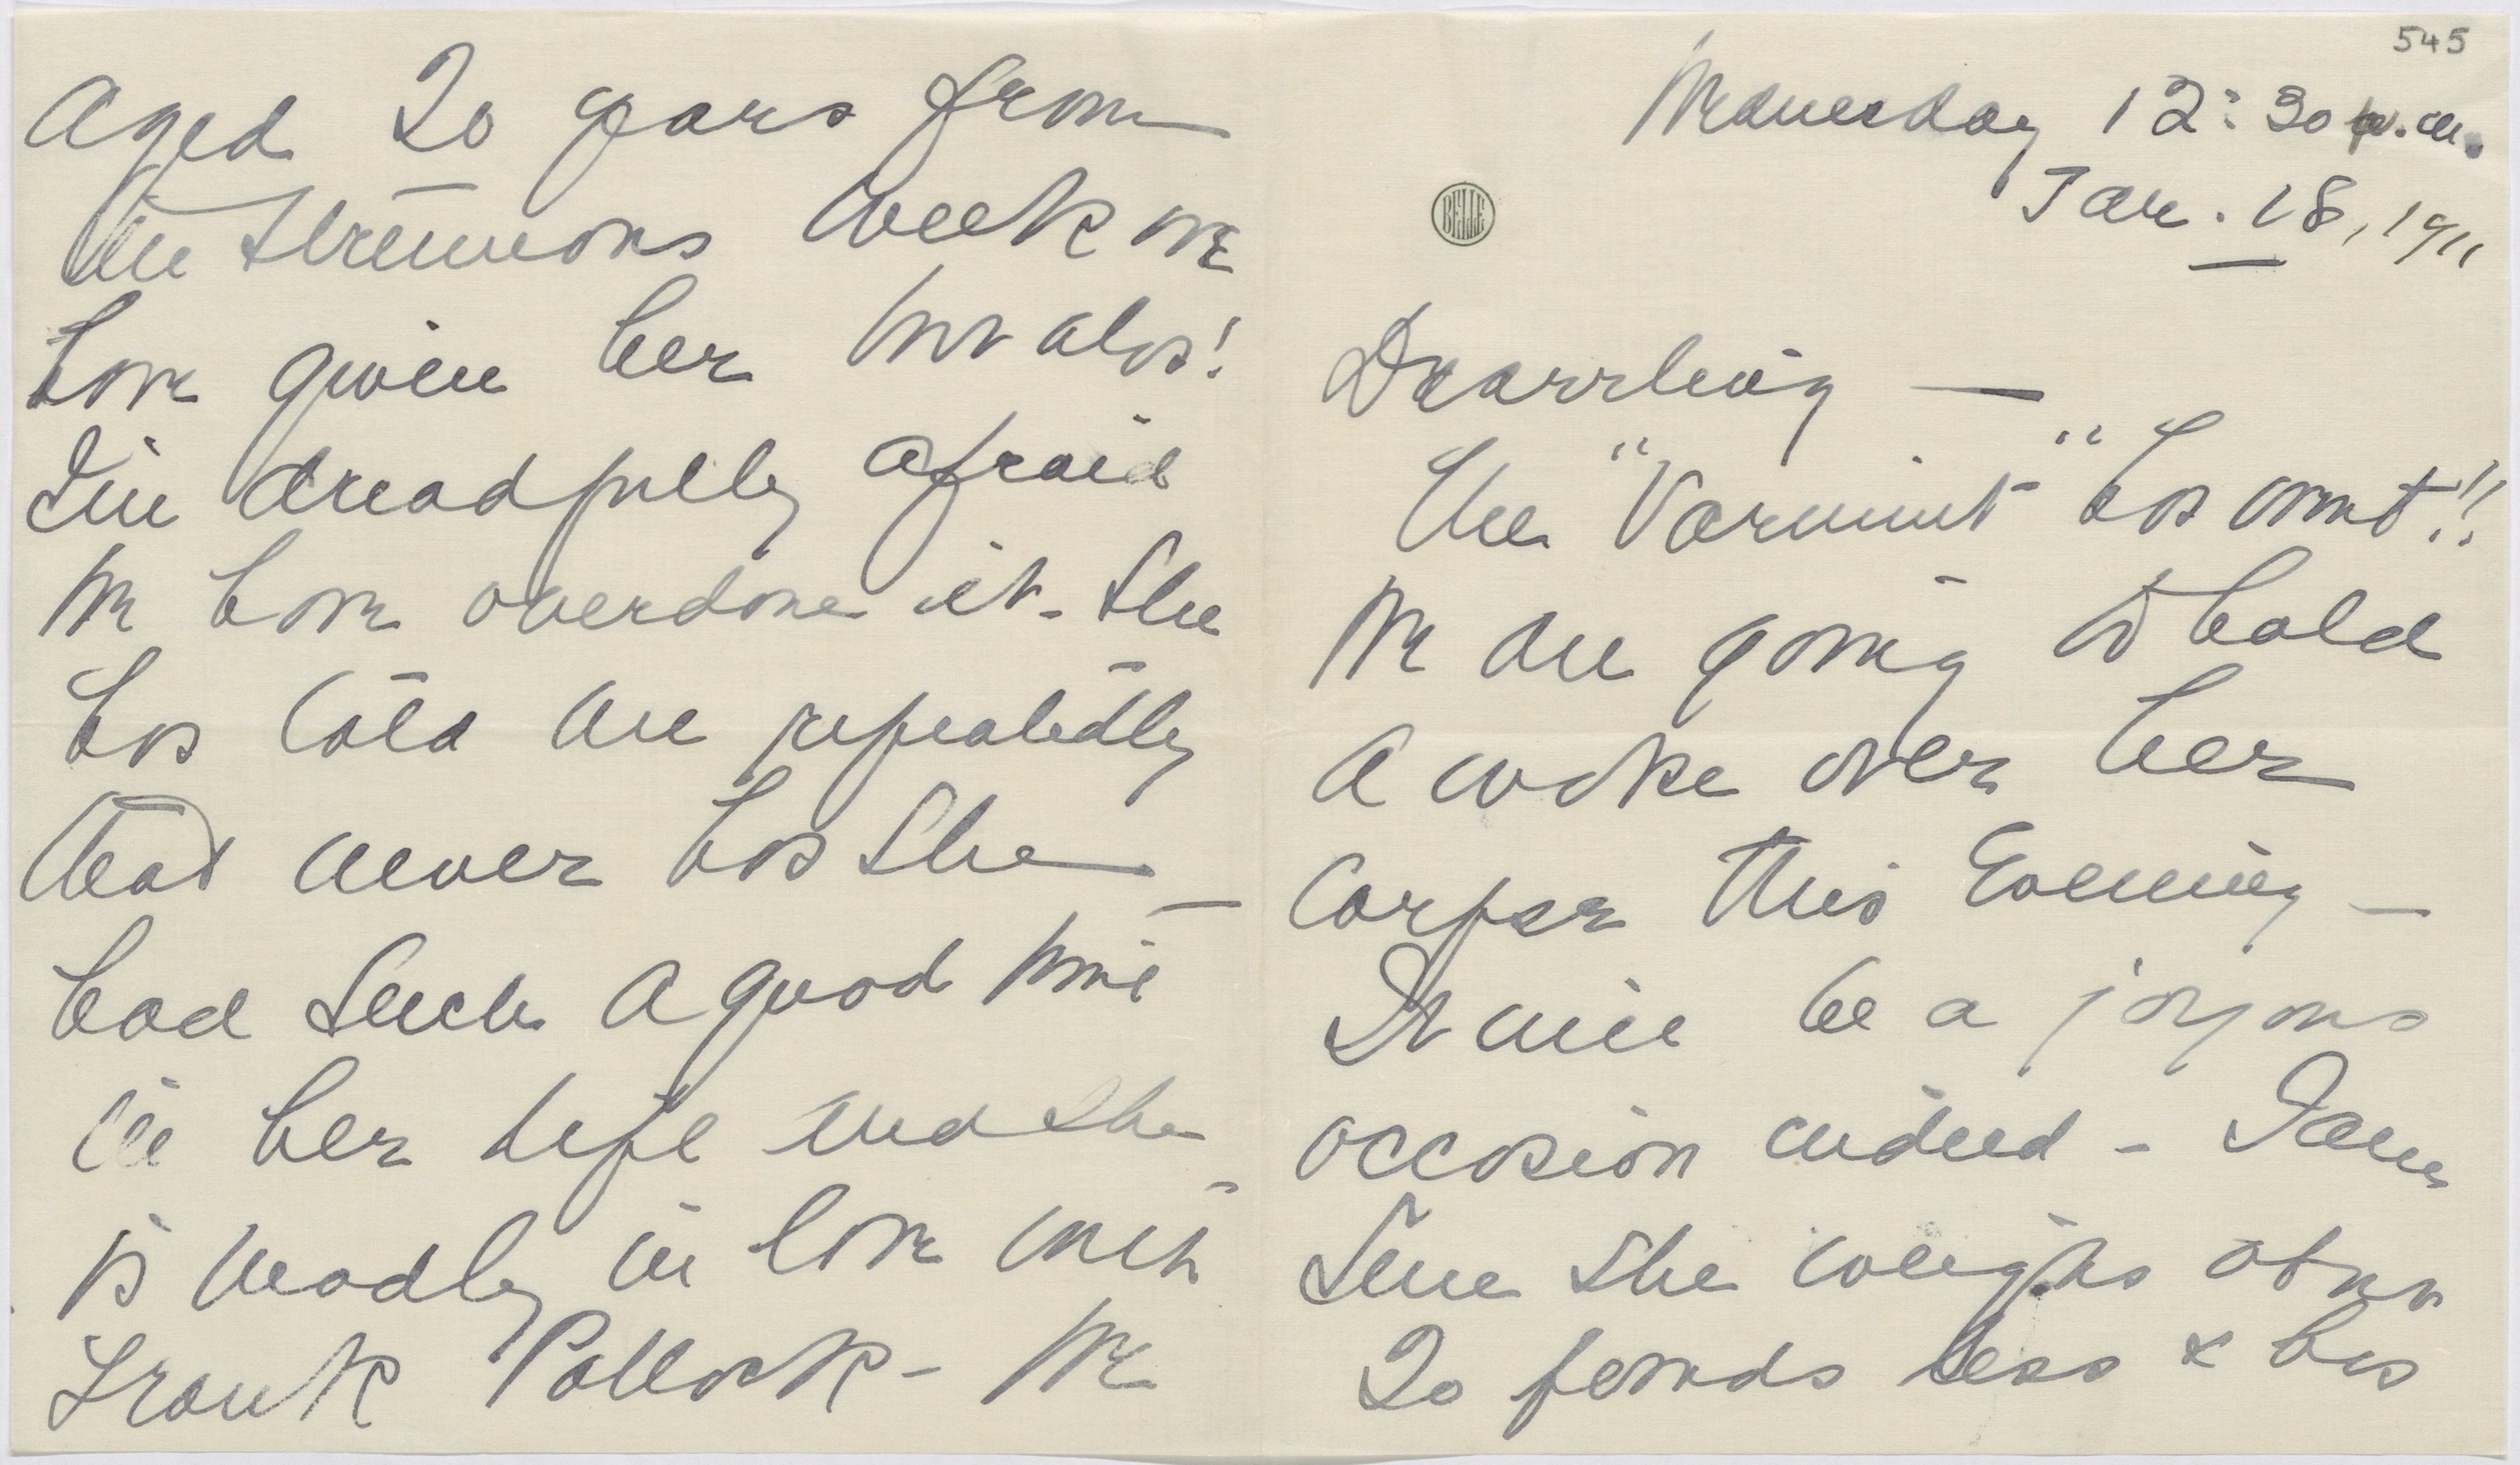Wednesday 12:30 pa.m.
Jan. 18
Daarrling –
The “Varmint” has went!! We are going to hold a wake over her corpse this evening –
It will be a joyous occasion indeed – I am sure she weighs about 20 pounds less & has
aged 20 years from the strenuous week we have given her but alas! I’m dreadfully afraid we have overdone it. She has told me repeatedly that never has she had such a good time in her life and she is madly in love with Frank Pollock – We